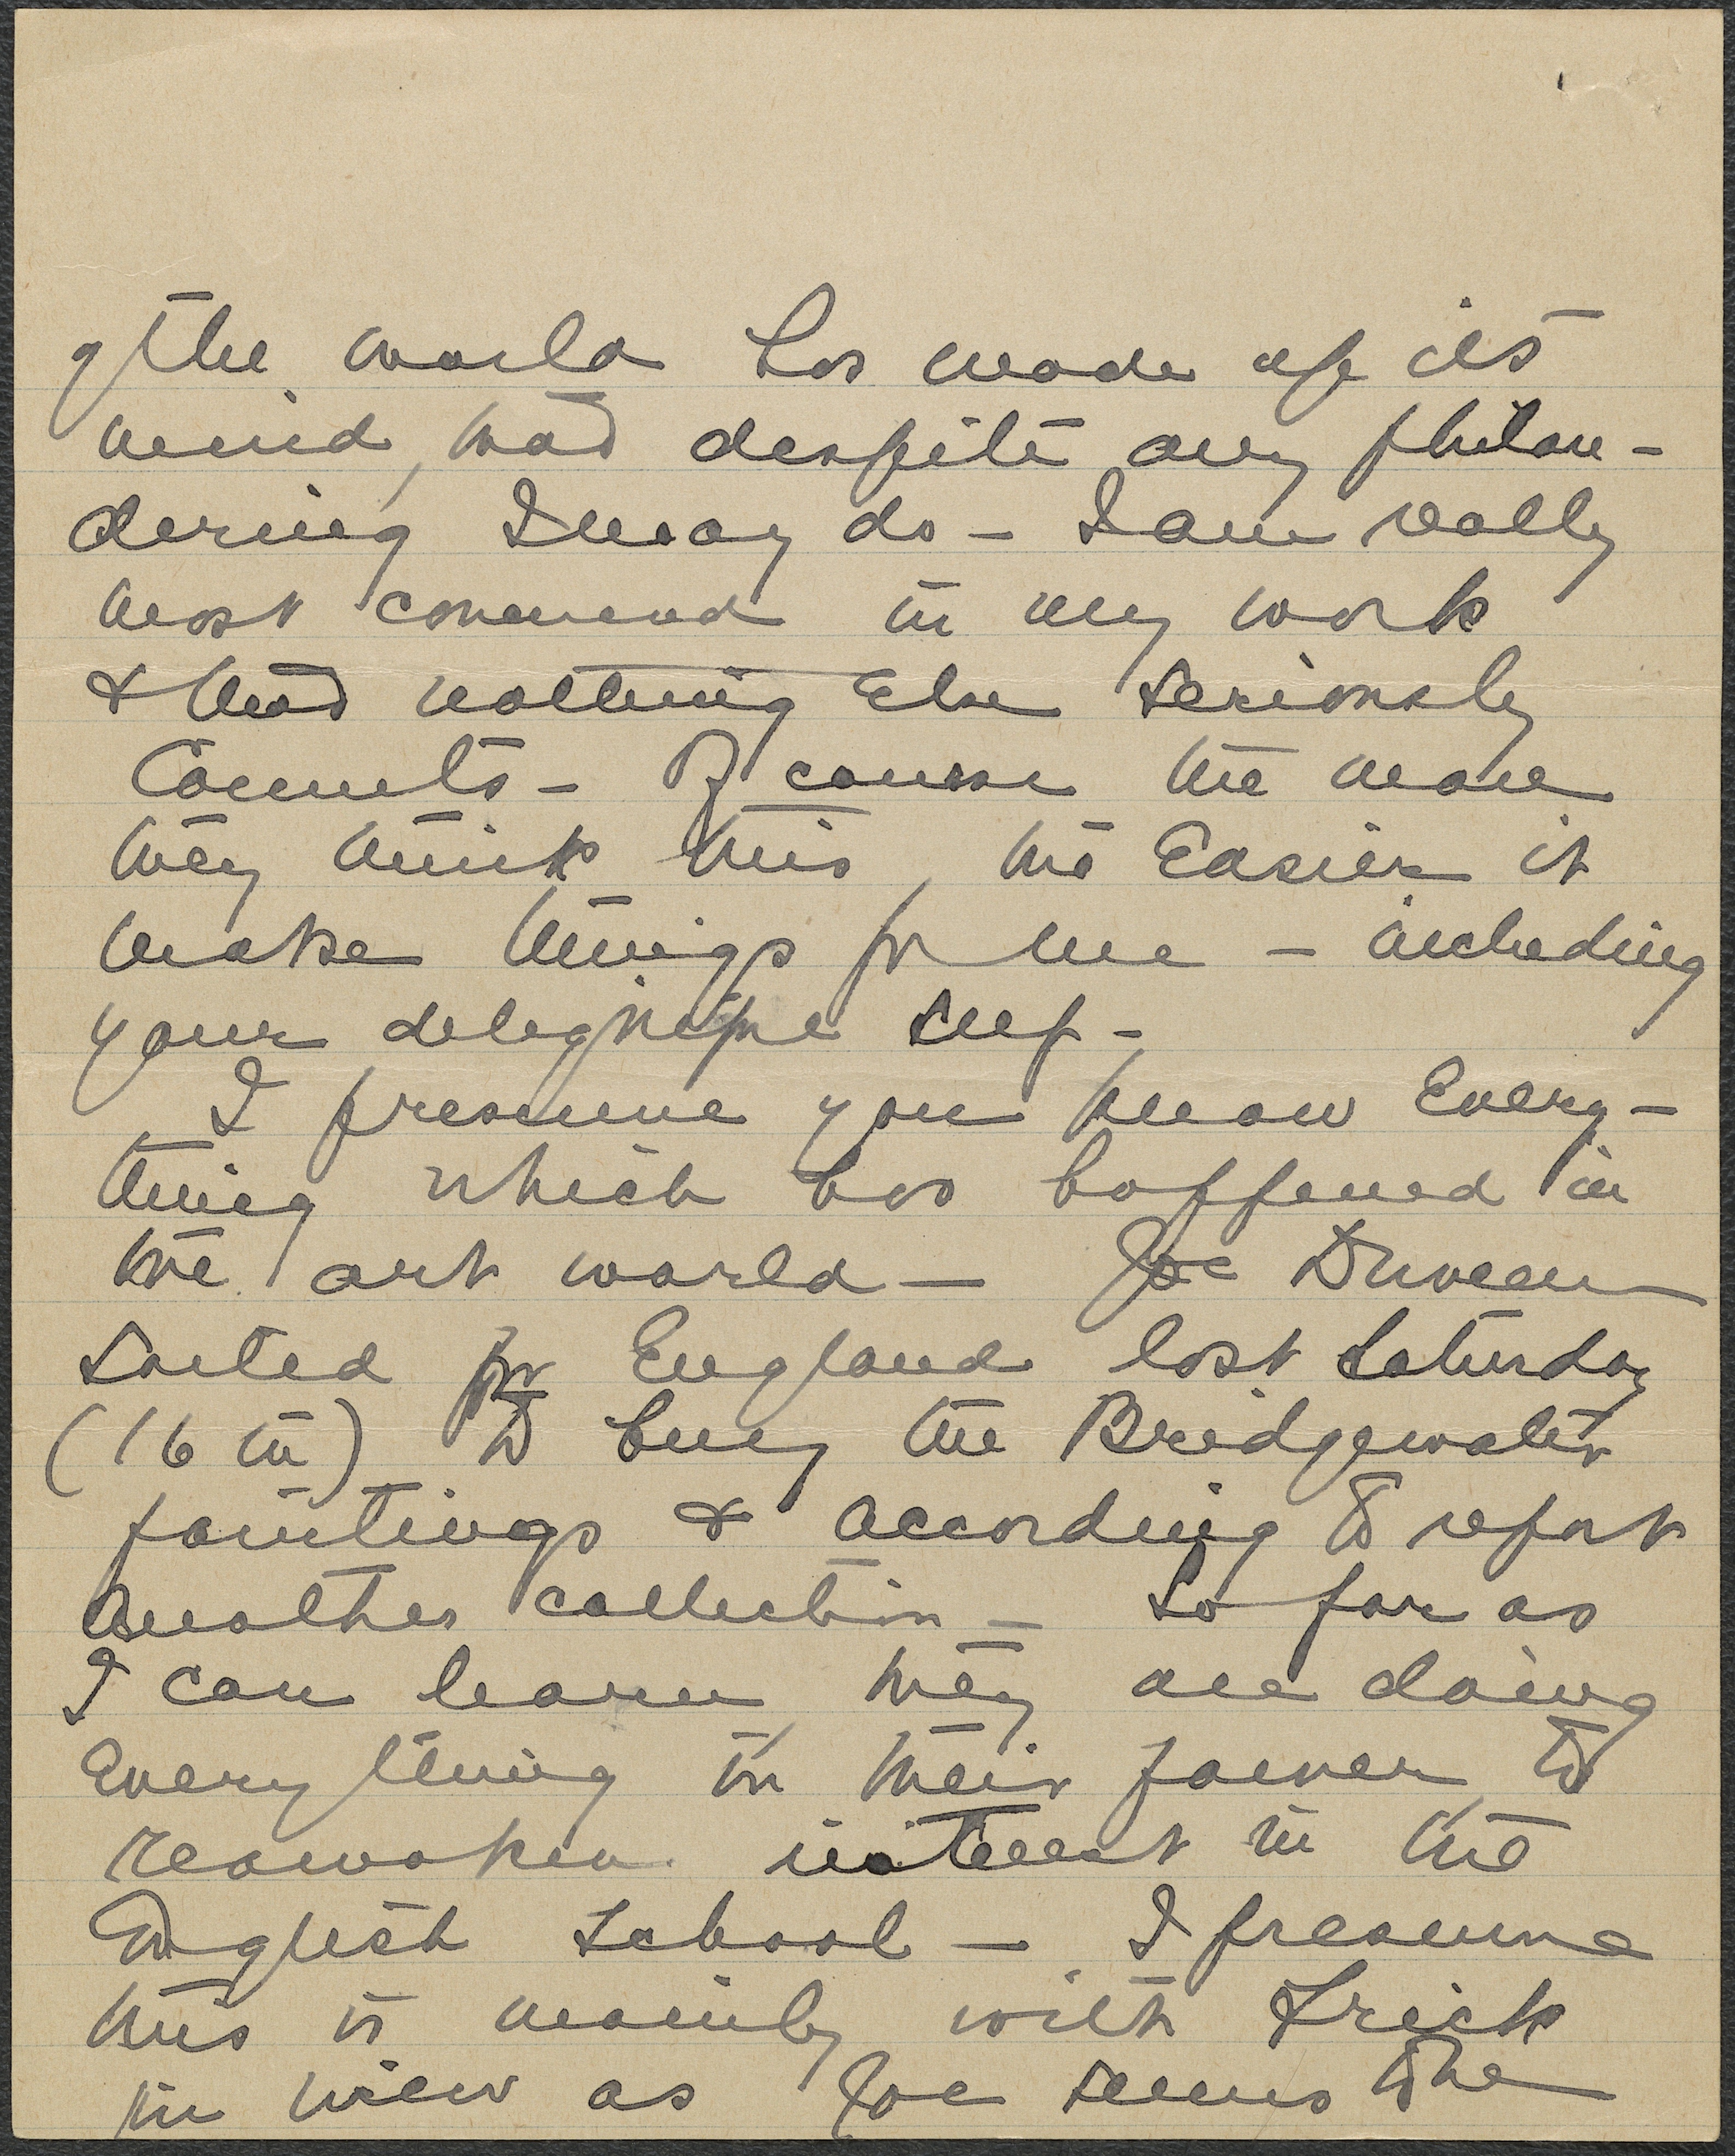of the world has made up its mind, that despite any philandering I may do – I am really most concerned in my work & that nothing else seriously counts – of course the more they think this the easier it make [sic] things for me – including your delightful self –
I presume you know everything which has happened in the art world – Joe Duveen sailed for England last Saturday (16th) to buy the Bridgewater paintings & according to report another collection – So far as I can learn they are doing everything in their power to reawaken interest in the English school – I presume this is mainly with Frick in view as Joe seems to be